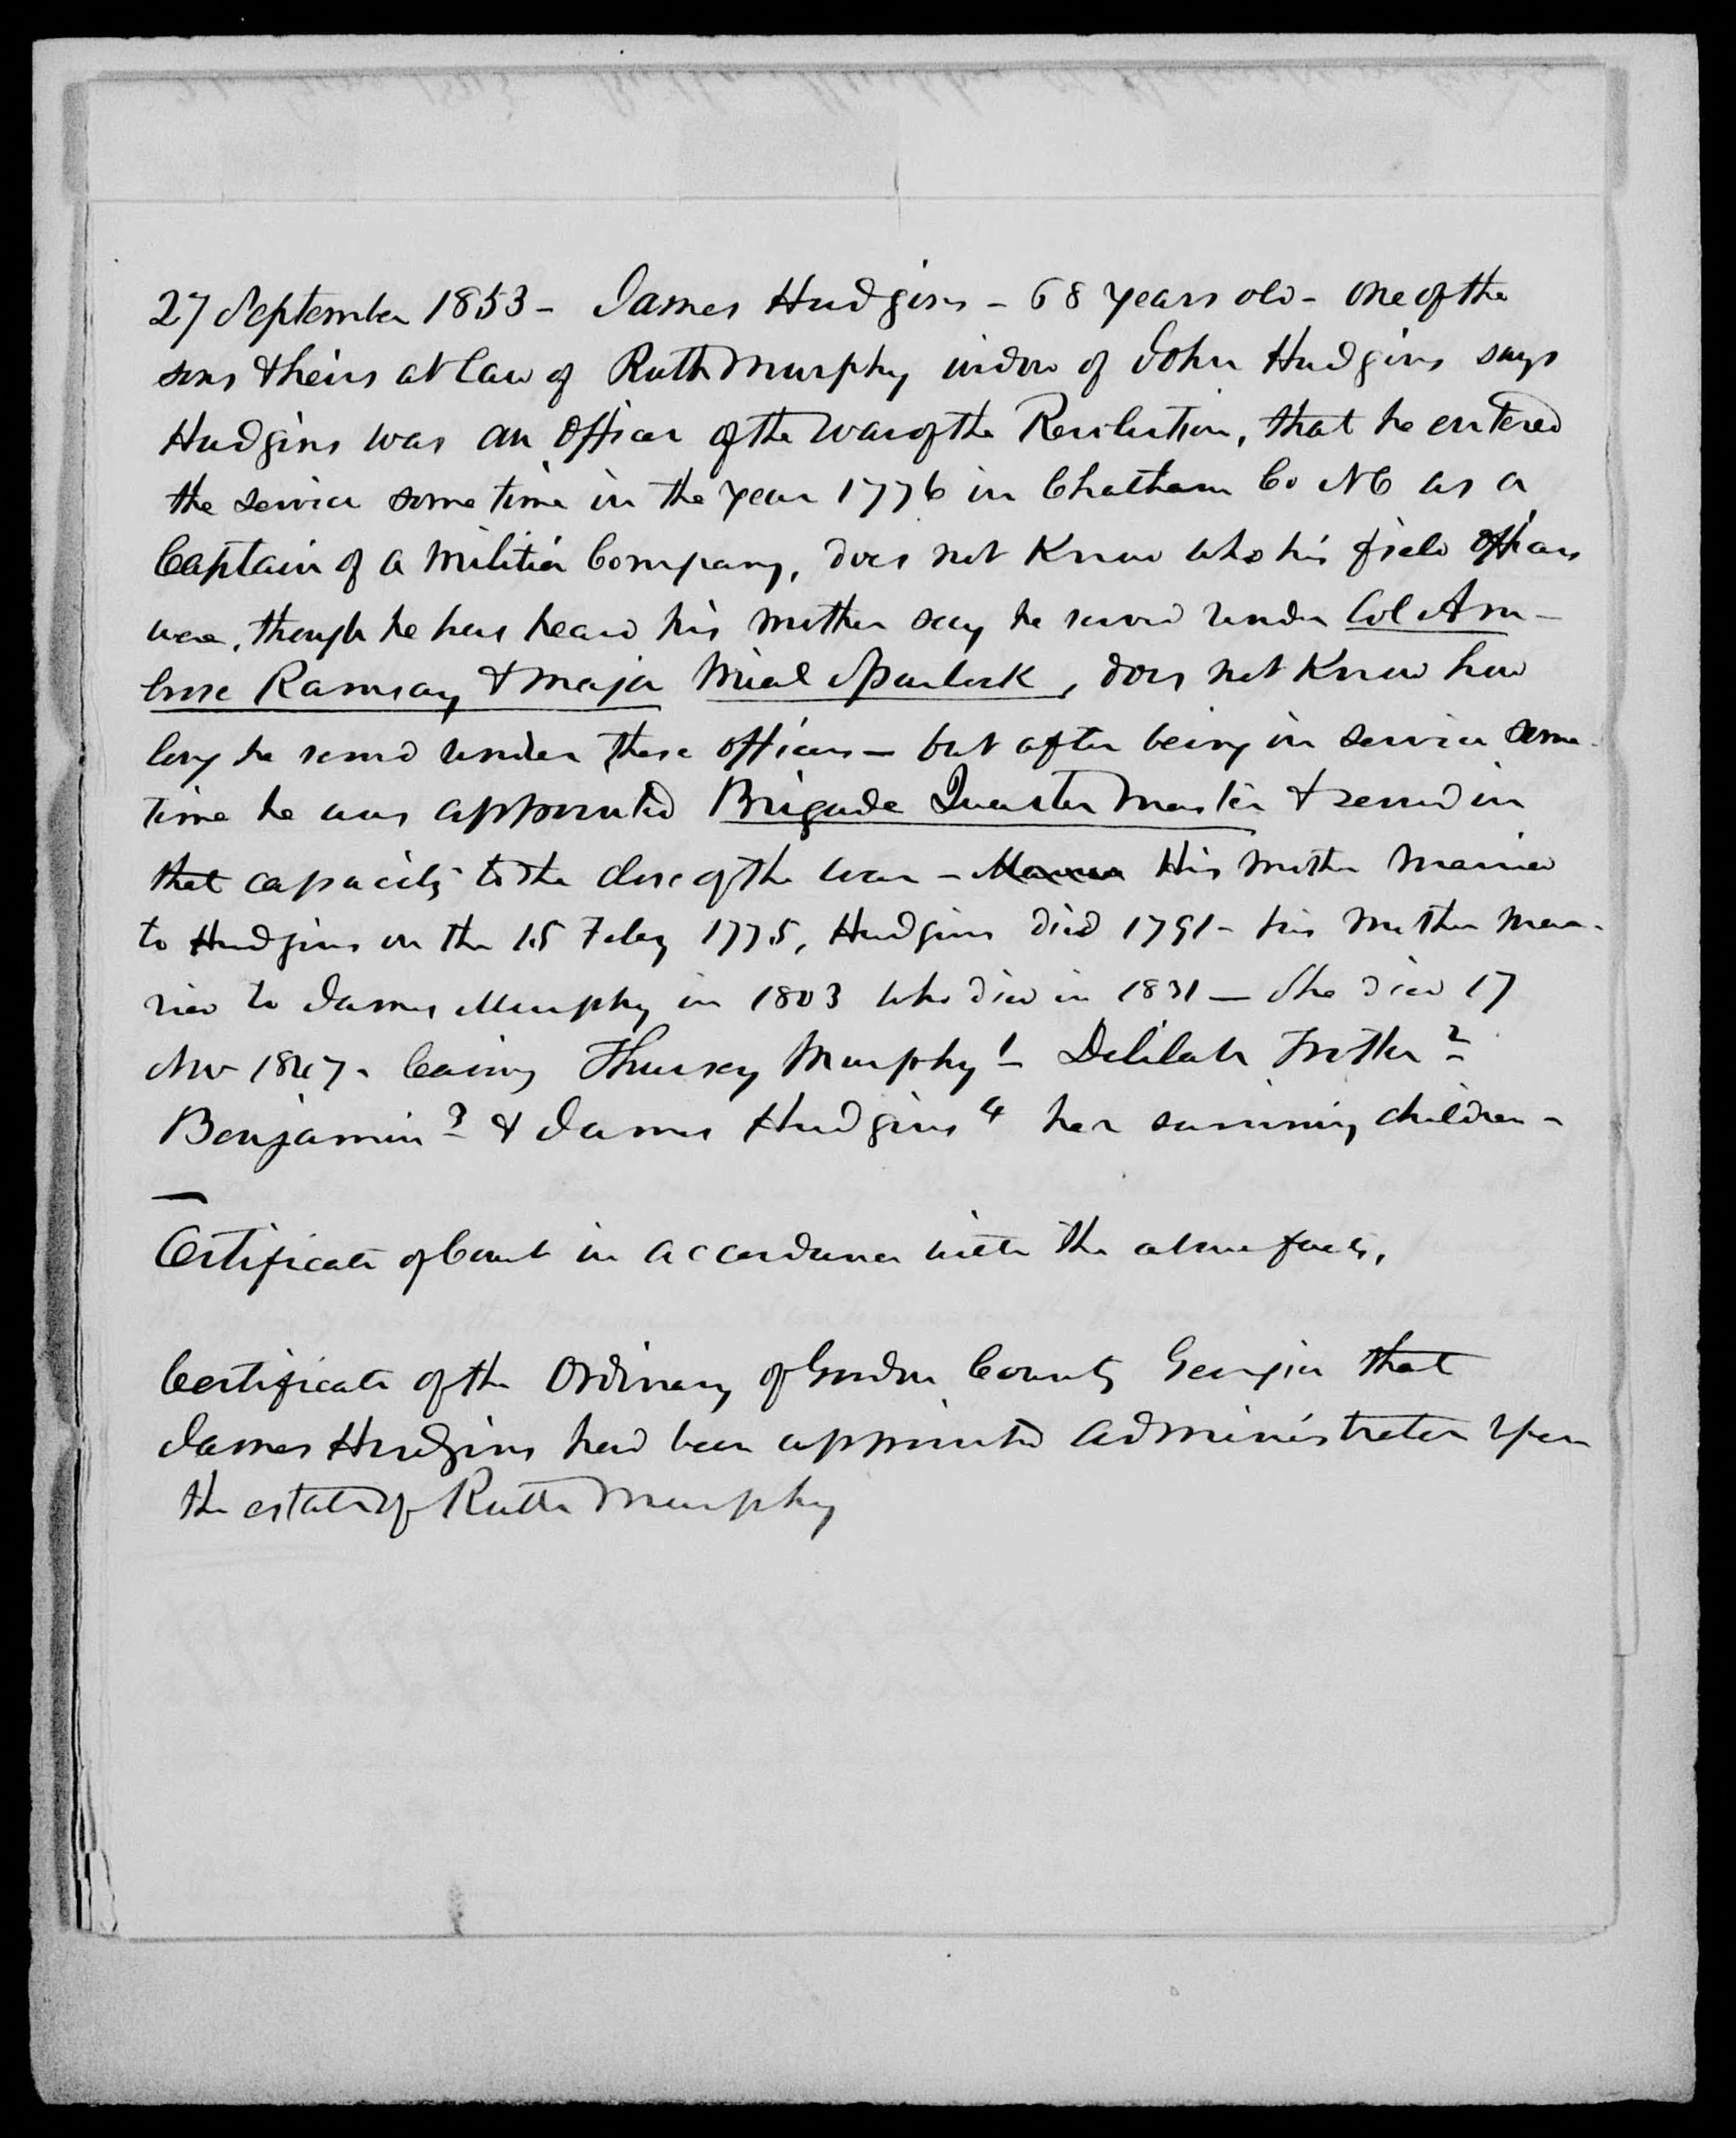27 September 1853 - James Huggins - 68 years old - one of the sons theirs at law of Ruth Murphy widow of John Hudgins says Hudgins was an officer of the war of the Revolution, that he entered the service sometime in the year 1776 in Chatham Co NC as a Captain of a Militia Company. He did not know who his field officer was, though he has heard his mother say he was under Col Ambros Ramsay + Major Mail Spurlock, he not knew how long he remained under these officers - but after being in service some time he was appointed Brigade Quarter Master and served in that capacity to the end of the war - (the next word was scratched through \\\\\\\\\\) his mother married to Hudgins on the 15 Feb, 1775, Hudgins died 1791 - his mother married to Iam Murphy in 1803 who died in 1831 - she died 17 Nov 1847 leaving Thusney Murphy, Delilah Murphy, Benjamin Murphy and James Hudgins her surviving children -
Certificate about in accordance with the above facts.
Certificate of the ordinary of (not legible) court (not legible) that James Hudgins has been appointed administrator of the estate of Ruth Murphy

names: Mial Spurlock, John Hudgins, Ambrose Ramsay, Delilah Trotter, James Hudgins, James Murphy, Ruth Murphy, Thursey Murphy, Benjamin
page: 52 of 108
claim: rejected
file: R. 7,515, John Hudgins, N.C.